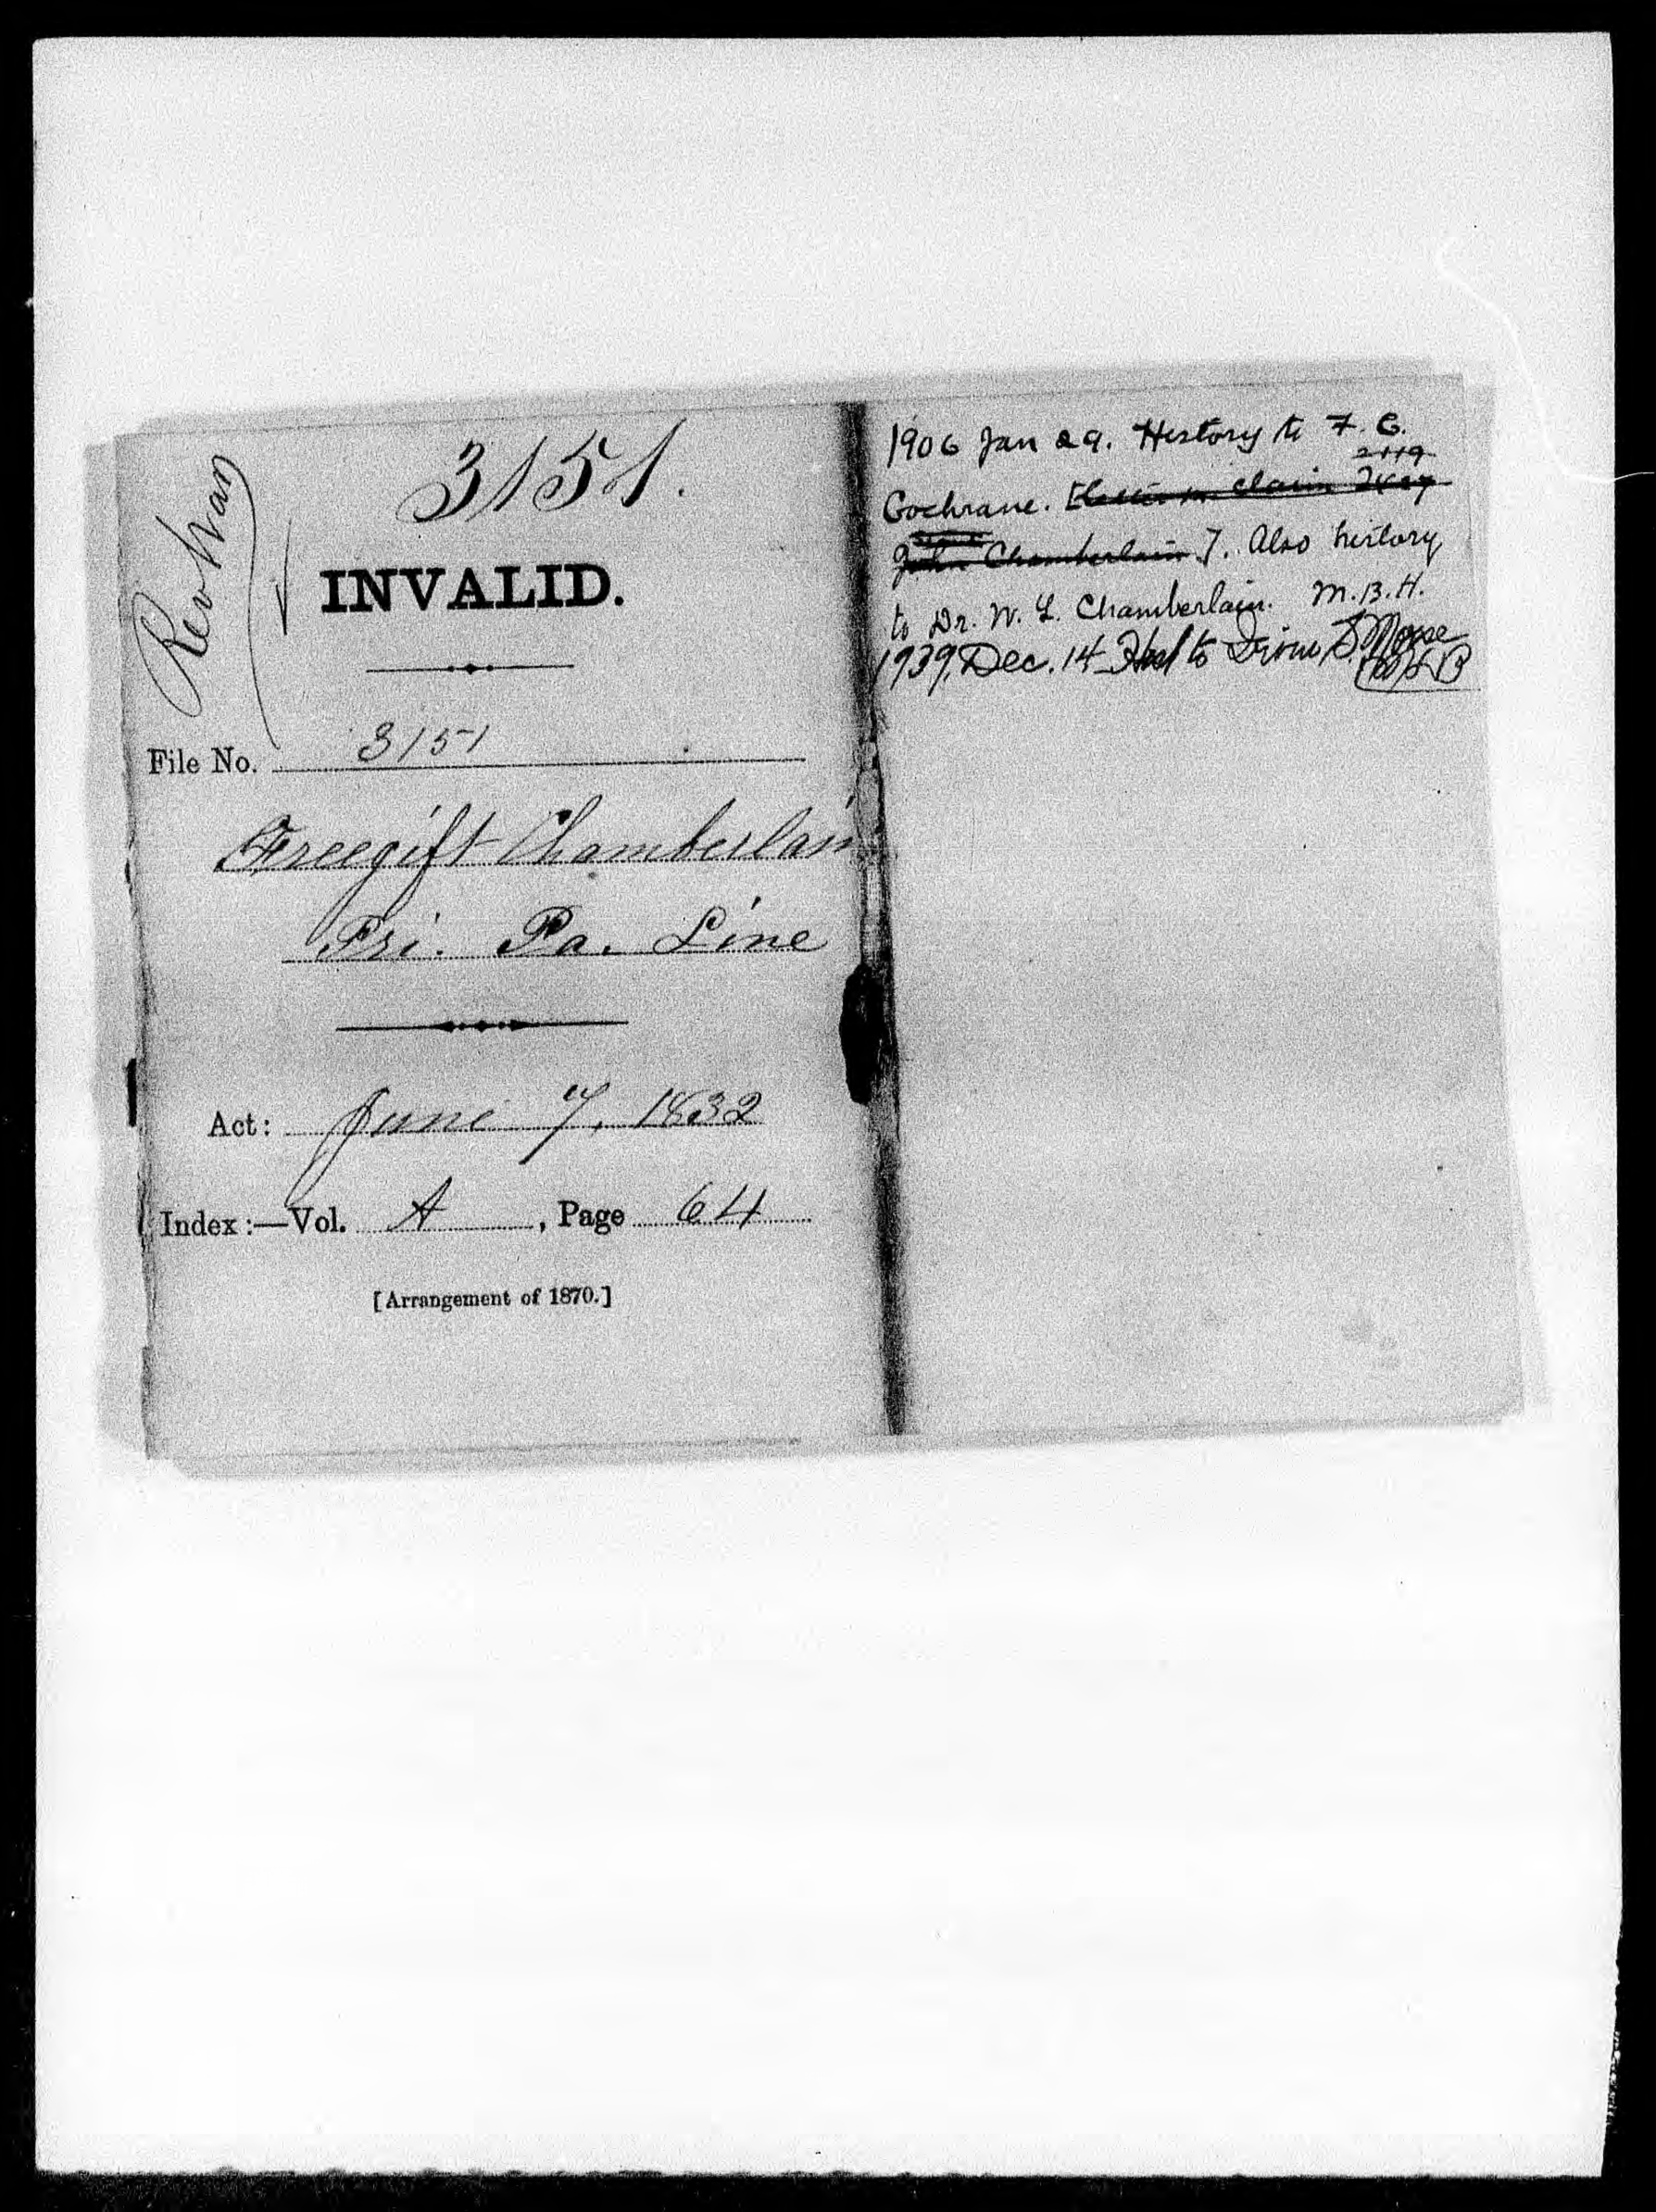Rev War
3151
INVALID
File No. 3151
Freegift Chamberlain
Pri. Pa. Line
Act: June 7, 1832
Index:-Vol. A. Page 64
[Arrangement of 1870.]
1906 Jan 29 History to F. C. Cochrane ].  Also history to Dr. W. L. Chamberlain.  M.B.H.
1939 Dec 14 Hist to Irvin S. Morse  M.H. B.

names: Irvin S Morse, W L Chamberlain, John Chamberlain, F C Cochrane, Freegift Chamberlain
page: 15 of 18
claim: survivor's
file: S. 3151, Freegift Chamberlain, Penn.